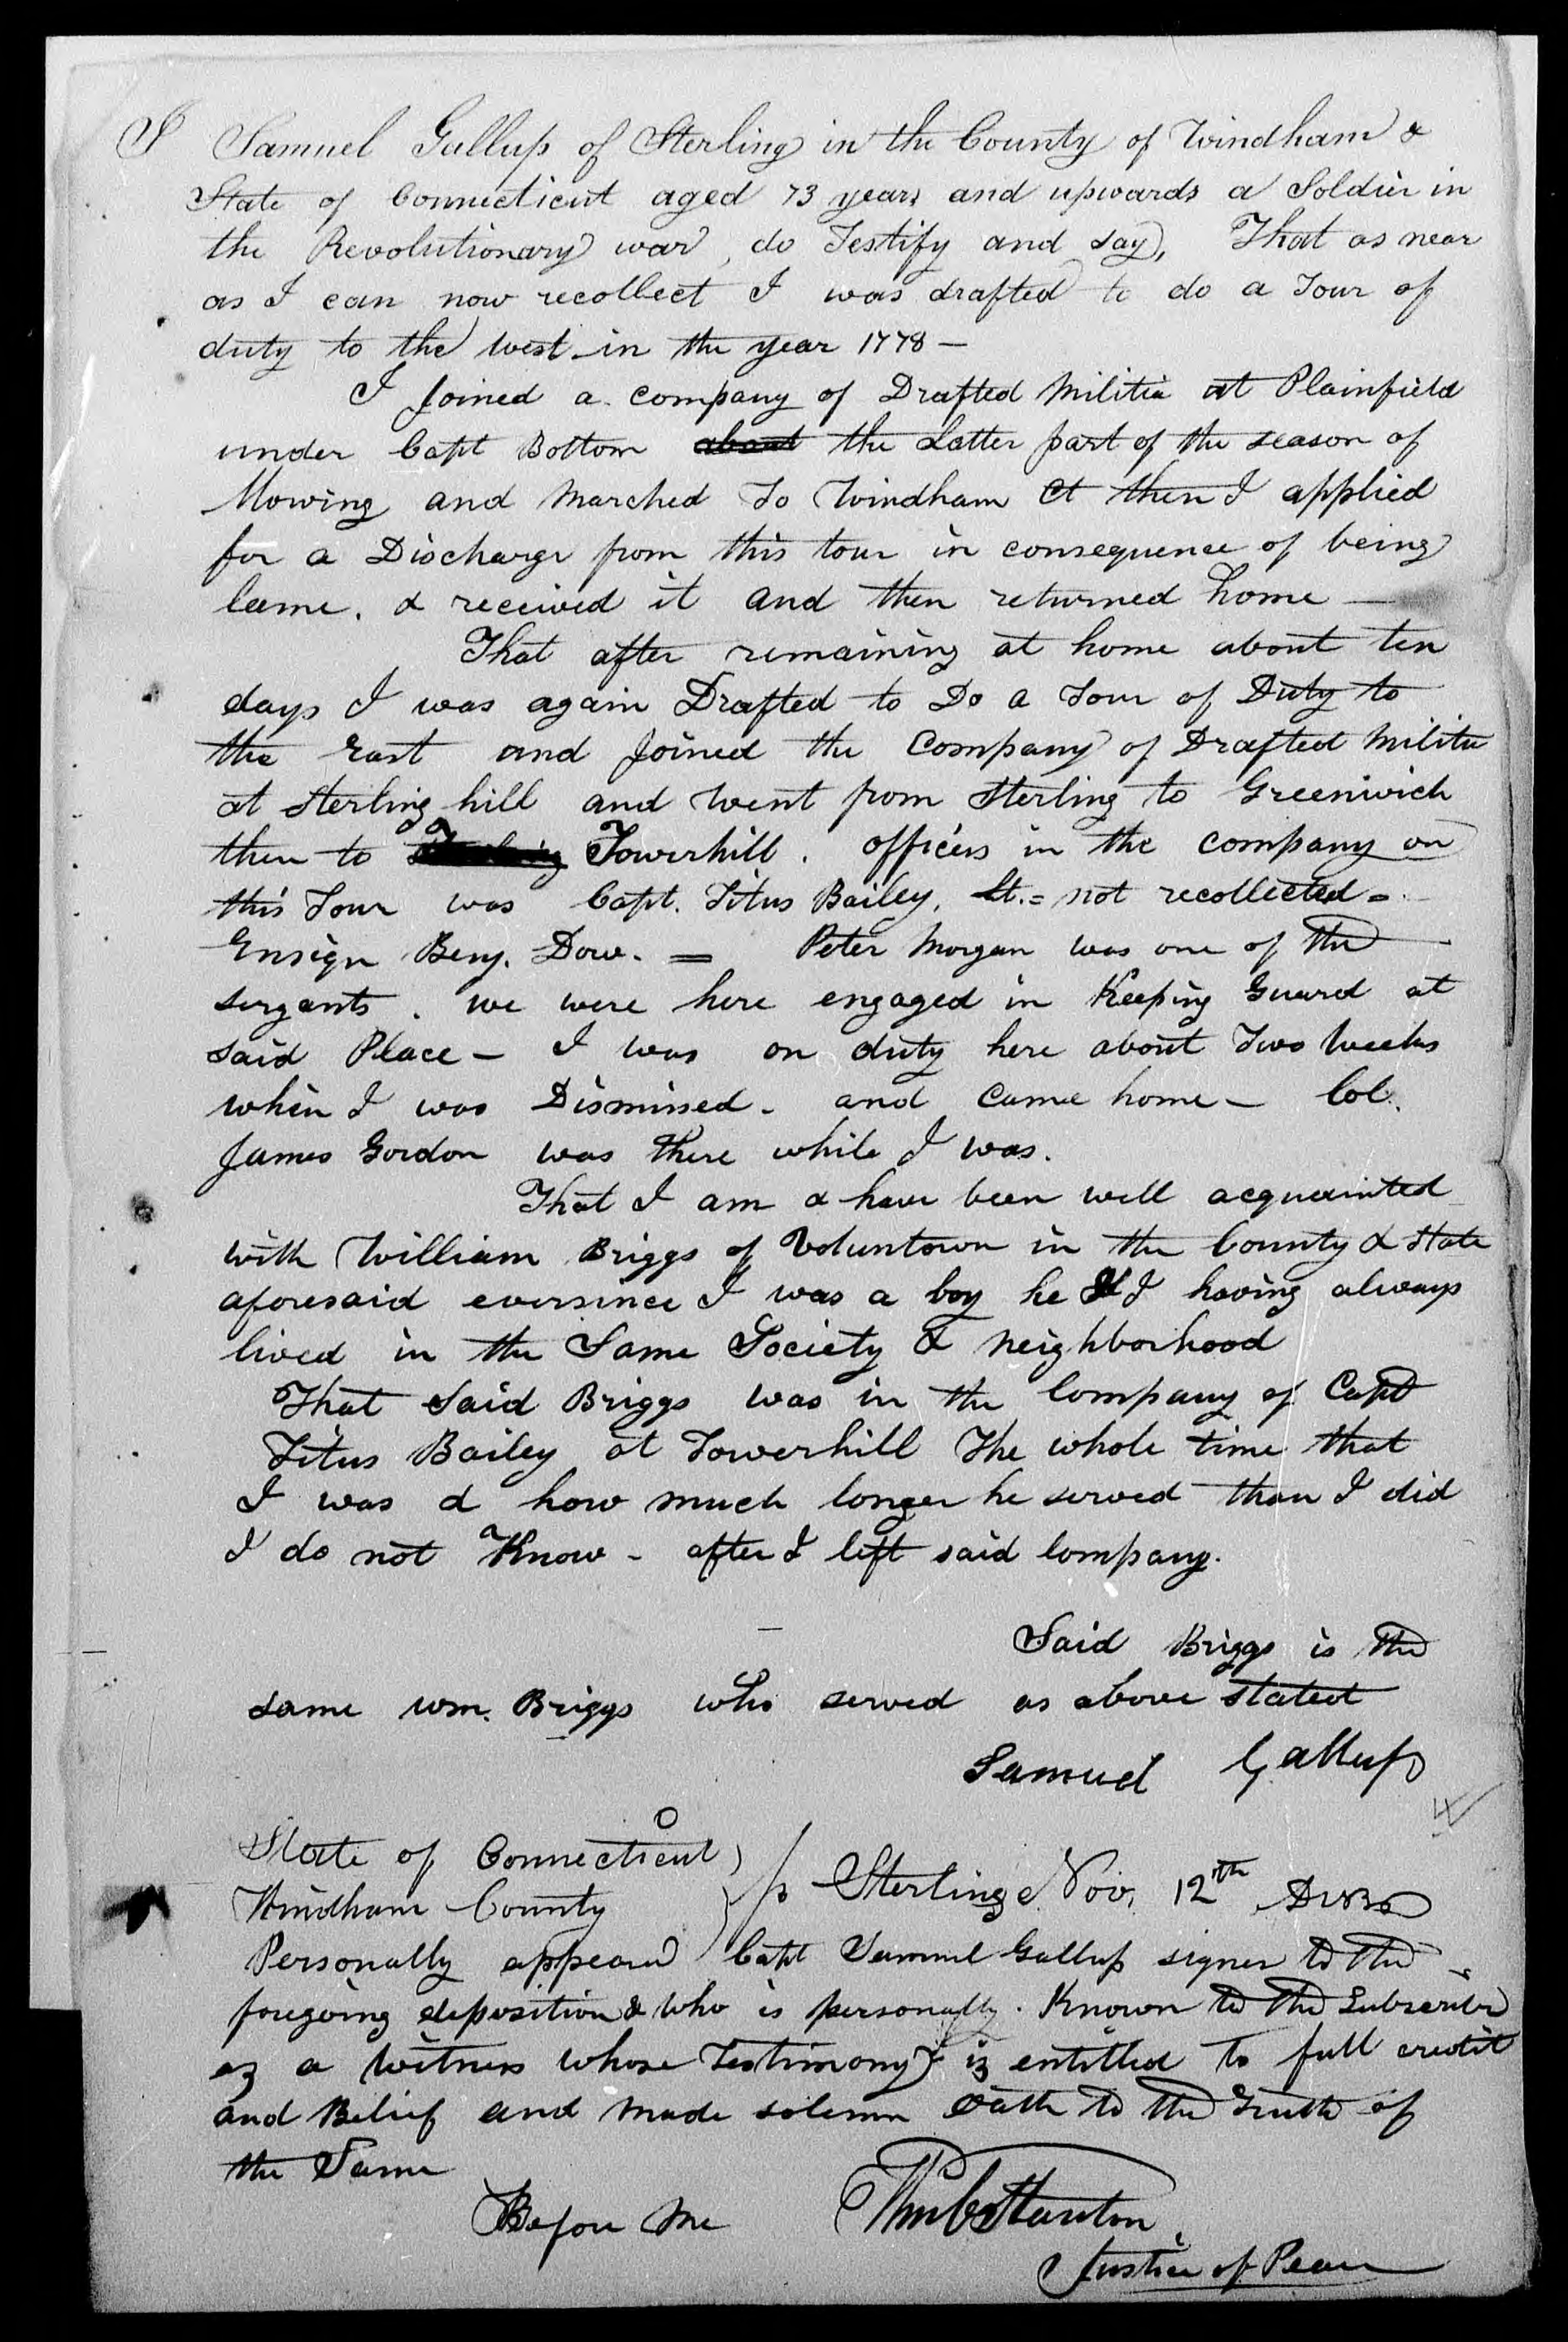I Samuel Gallup of Sterling in the County Of Windham & State of Connecticut aged 73 years and upwards a Soldier in the Revolutionary war do Testify and say, That as near as I can now recollect I was drafted to do a Tour of duty to the west in the year 1778 -
  I joined a company of Drafted Militia at Plainfield under Capt Bottom [word crossed out] the latter part of the season of Mowing and marched to Windham Ct then I applied for a Discharge from this Tour in consequence of being lame, & received it and then retureid home -

That after remaining at home about ten days I was again drafted to do a Tour of Duty to the East and joined the Company of Drafted Militia at Sterling Hill and went from Sterling to Greenwich then to  Tower Hill.  Officers in the Company on this Tour was Capt. Titus Bailey. Lt.= not recollected, Ensign Benj. Dow,-   Peter Morgan was one of the sergants,  We were here engaged in keeping guard at said place -  I was on duty here for about two weeks when I was dismissed and came home -  Col James Gordon was there while I was.

That I am & have been well acquainted 
 with William Briggs of Voluntown in the County & State aforesaid eversince [sic]I was a boy he & I having always lived in the same Society & Neighborhood.  That said Briggs was in the Company of Capt Titus Bailey at Towerhill  the whole time that I was & how much longer he served than I did I do not know -  after I left said Company.
   Said Briggs is the same Wm Briggs who served as above stated
              [Signed]  Samuel Gallup

State of Connecticut}
Windham County}  Js   Sterling Nov 12th A.D.
Personally appeared Capt Samuel Gallup signed to the foregoing deposition & who is personally known to the subscriber as a witness whose testimony is entitled to full credit and belief and made solemn oath to the Truth of the Same

Before Me    
   [Signed]     Wm B Stanton Justice of Peace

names: Titus Bailey, Briggs, Benj Dow, Peter Morgan, William Briggs, James Gordon, Samuel Gallup, Briggs, Titus Bailey, Wm C Stanton, Wm Briggs, Samuel Gallup, Bottom, Samuel Gallup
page: 27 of 37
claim: survivor's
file: S. 12,281, William Briggs, Conn.